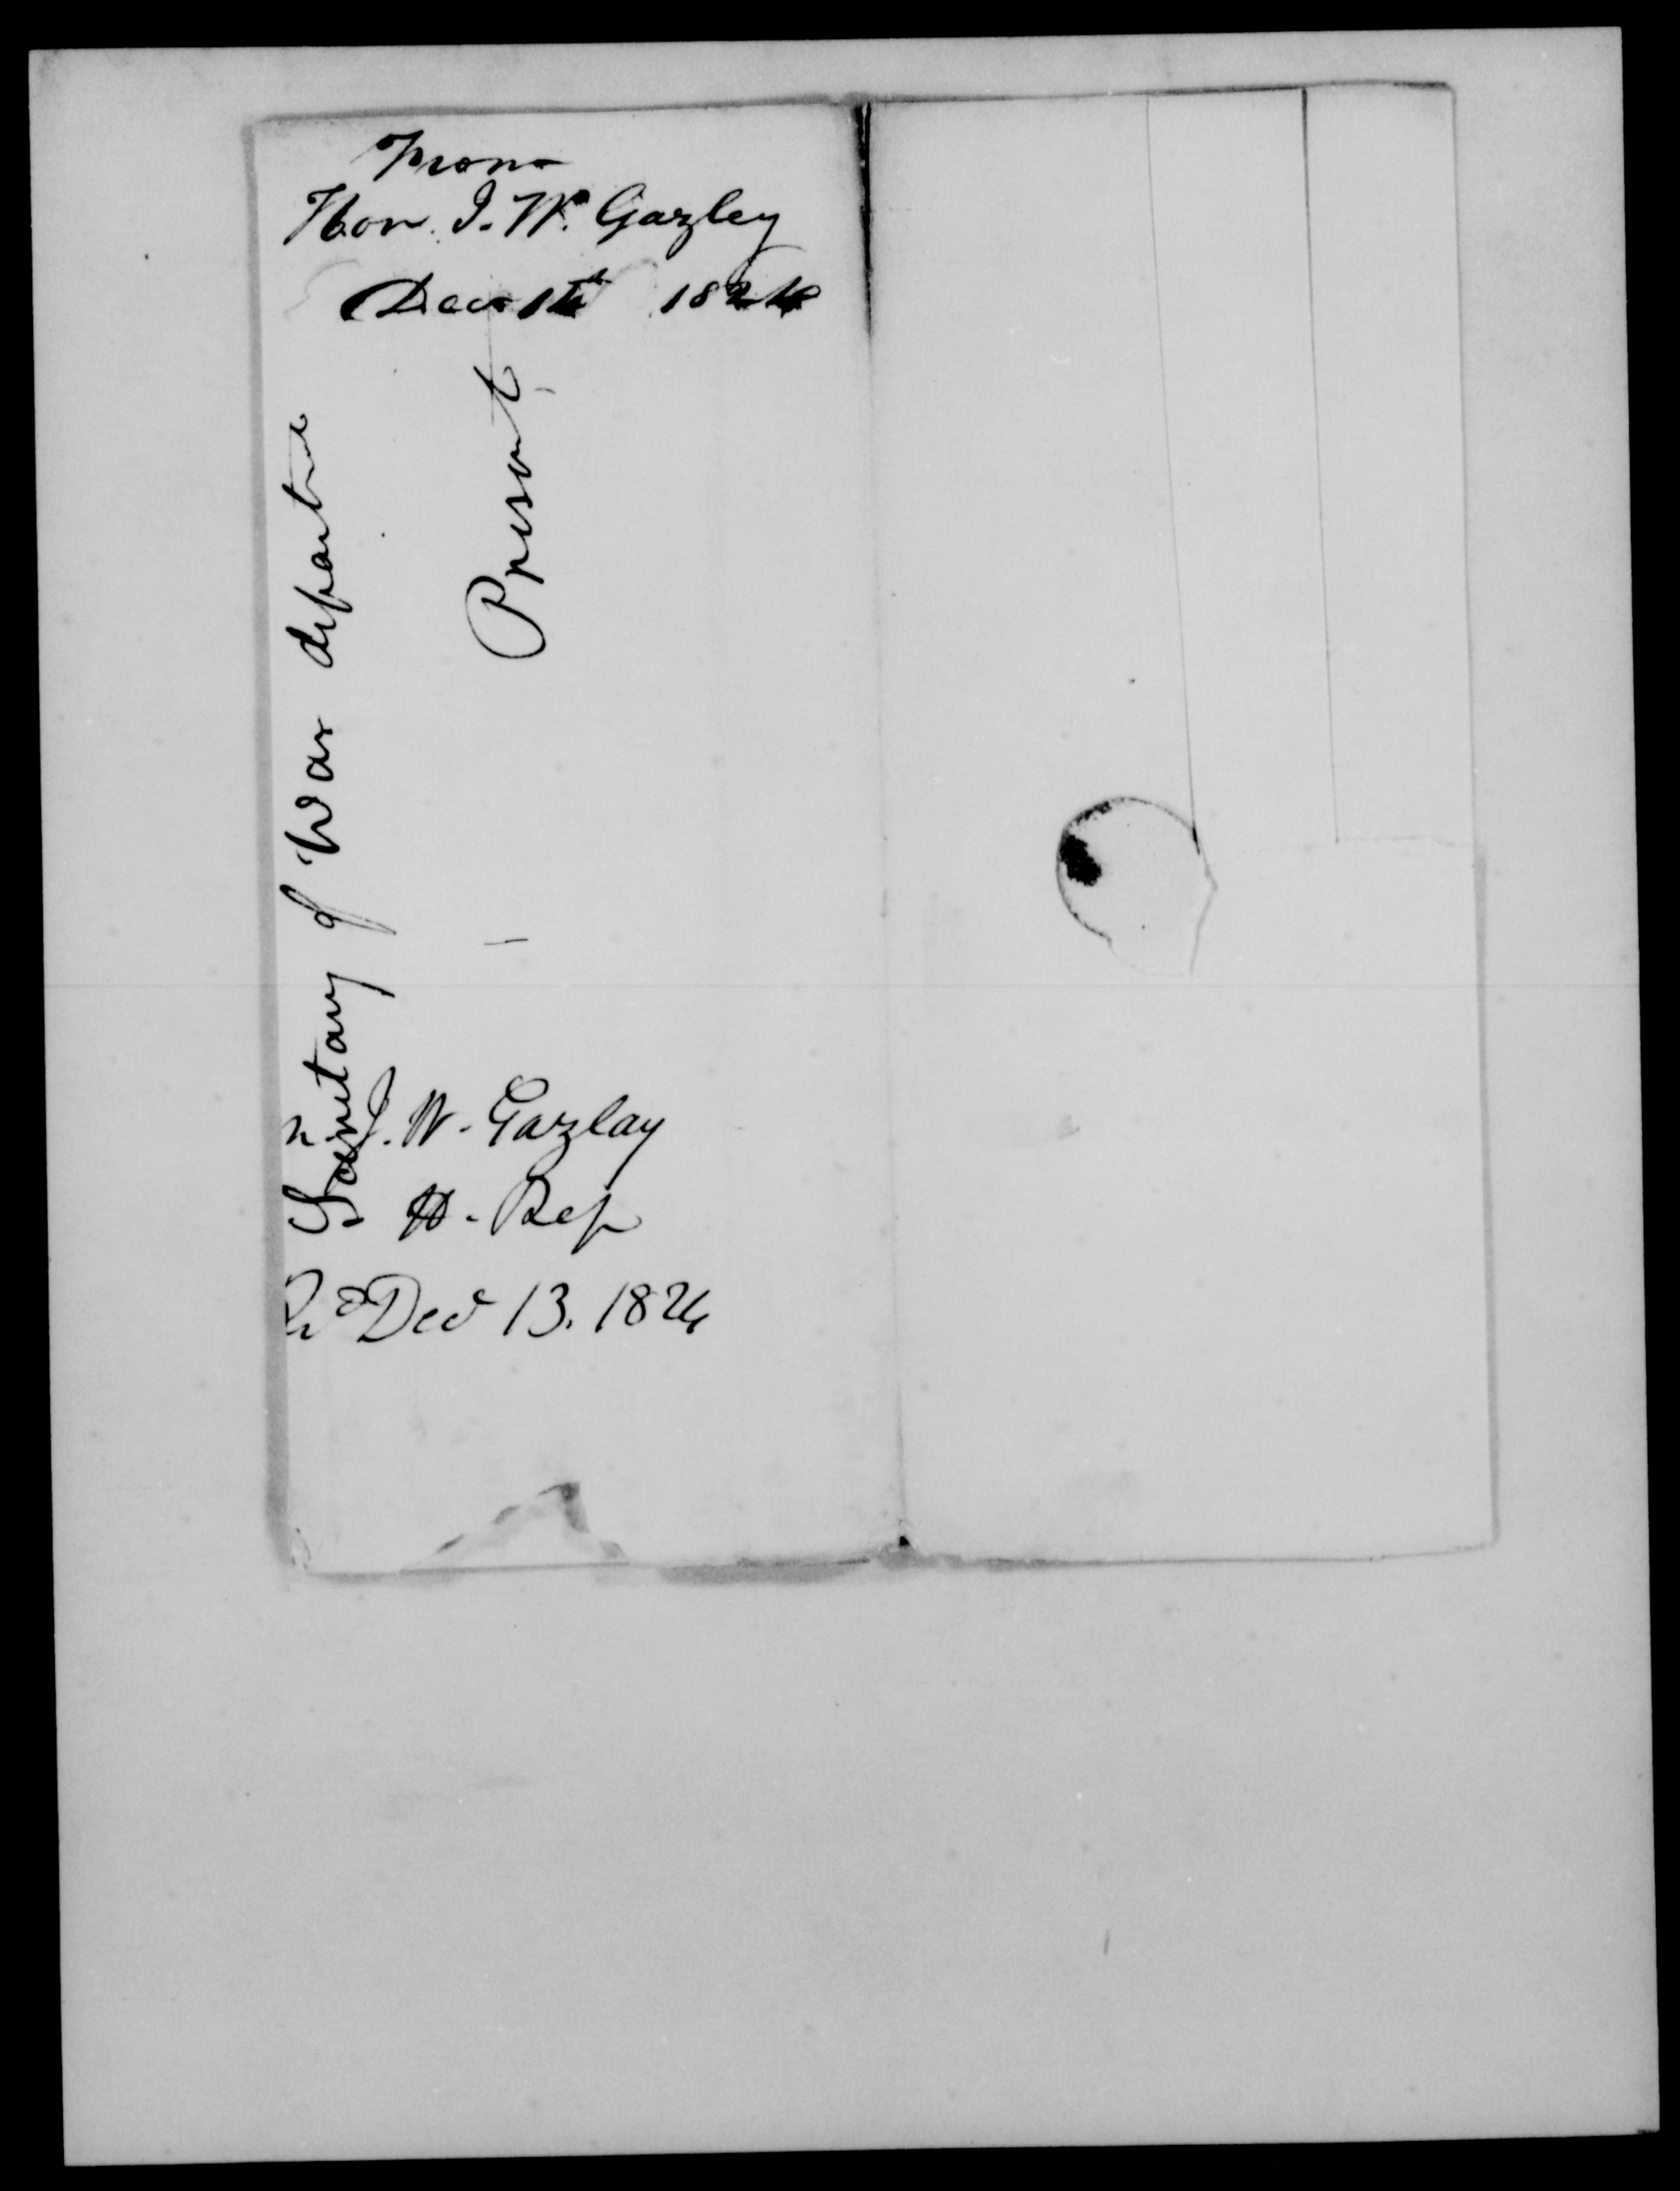From Hon. J. W. Gazley Dec 11th [14th?] 1826 
Secretary of War department Present. 
[[left edge is cut off:] ___n. J. W. Gazlay ___D. H. Rep ___ Dec 13. 1826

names: J W Gazley; J W Gazlay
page: 31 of 66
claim: survivor's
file: S 40458, for Obadiah Smith, New York